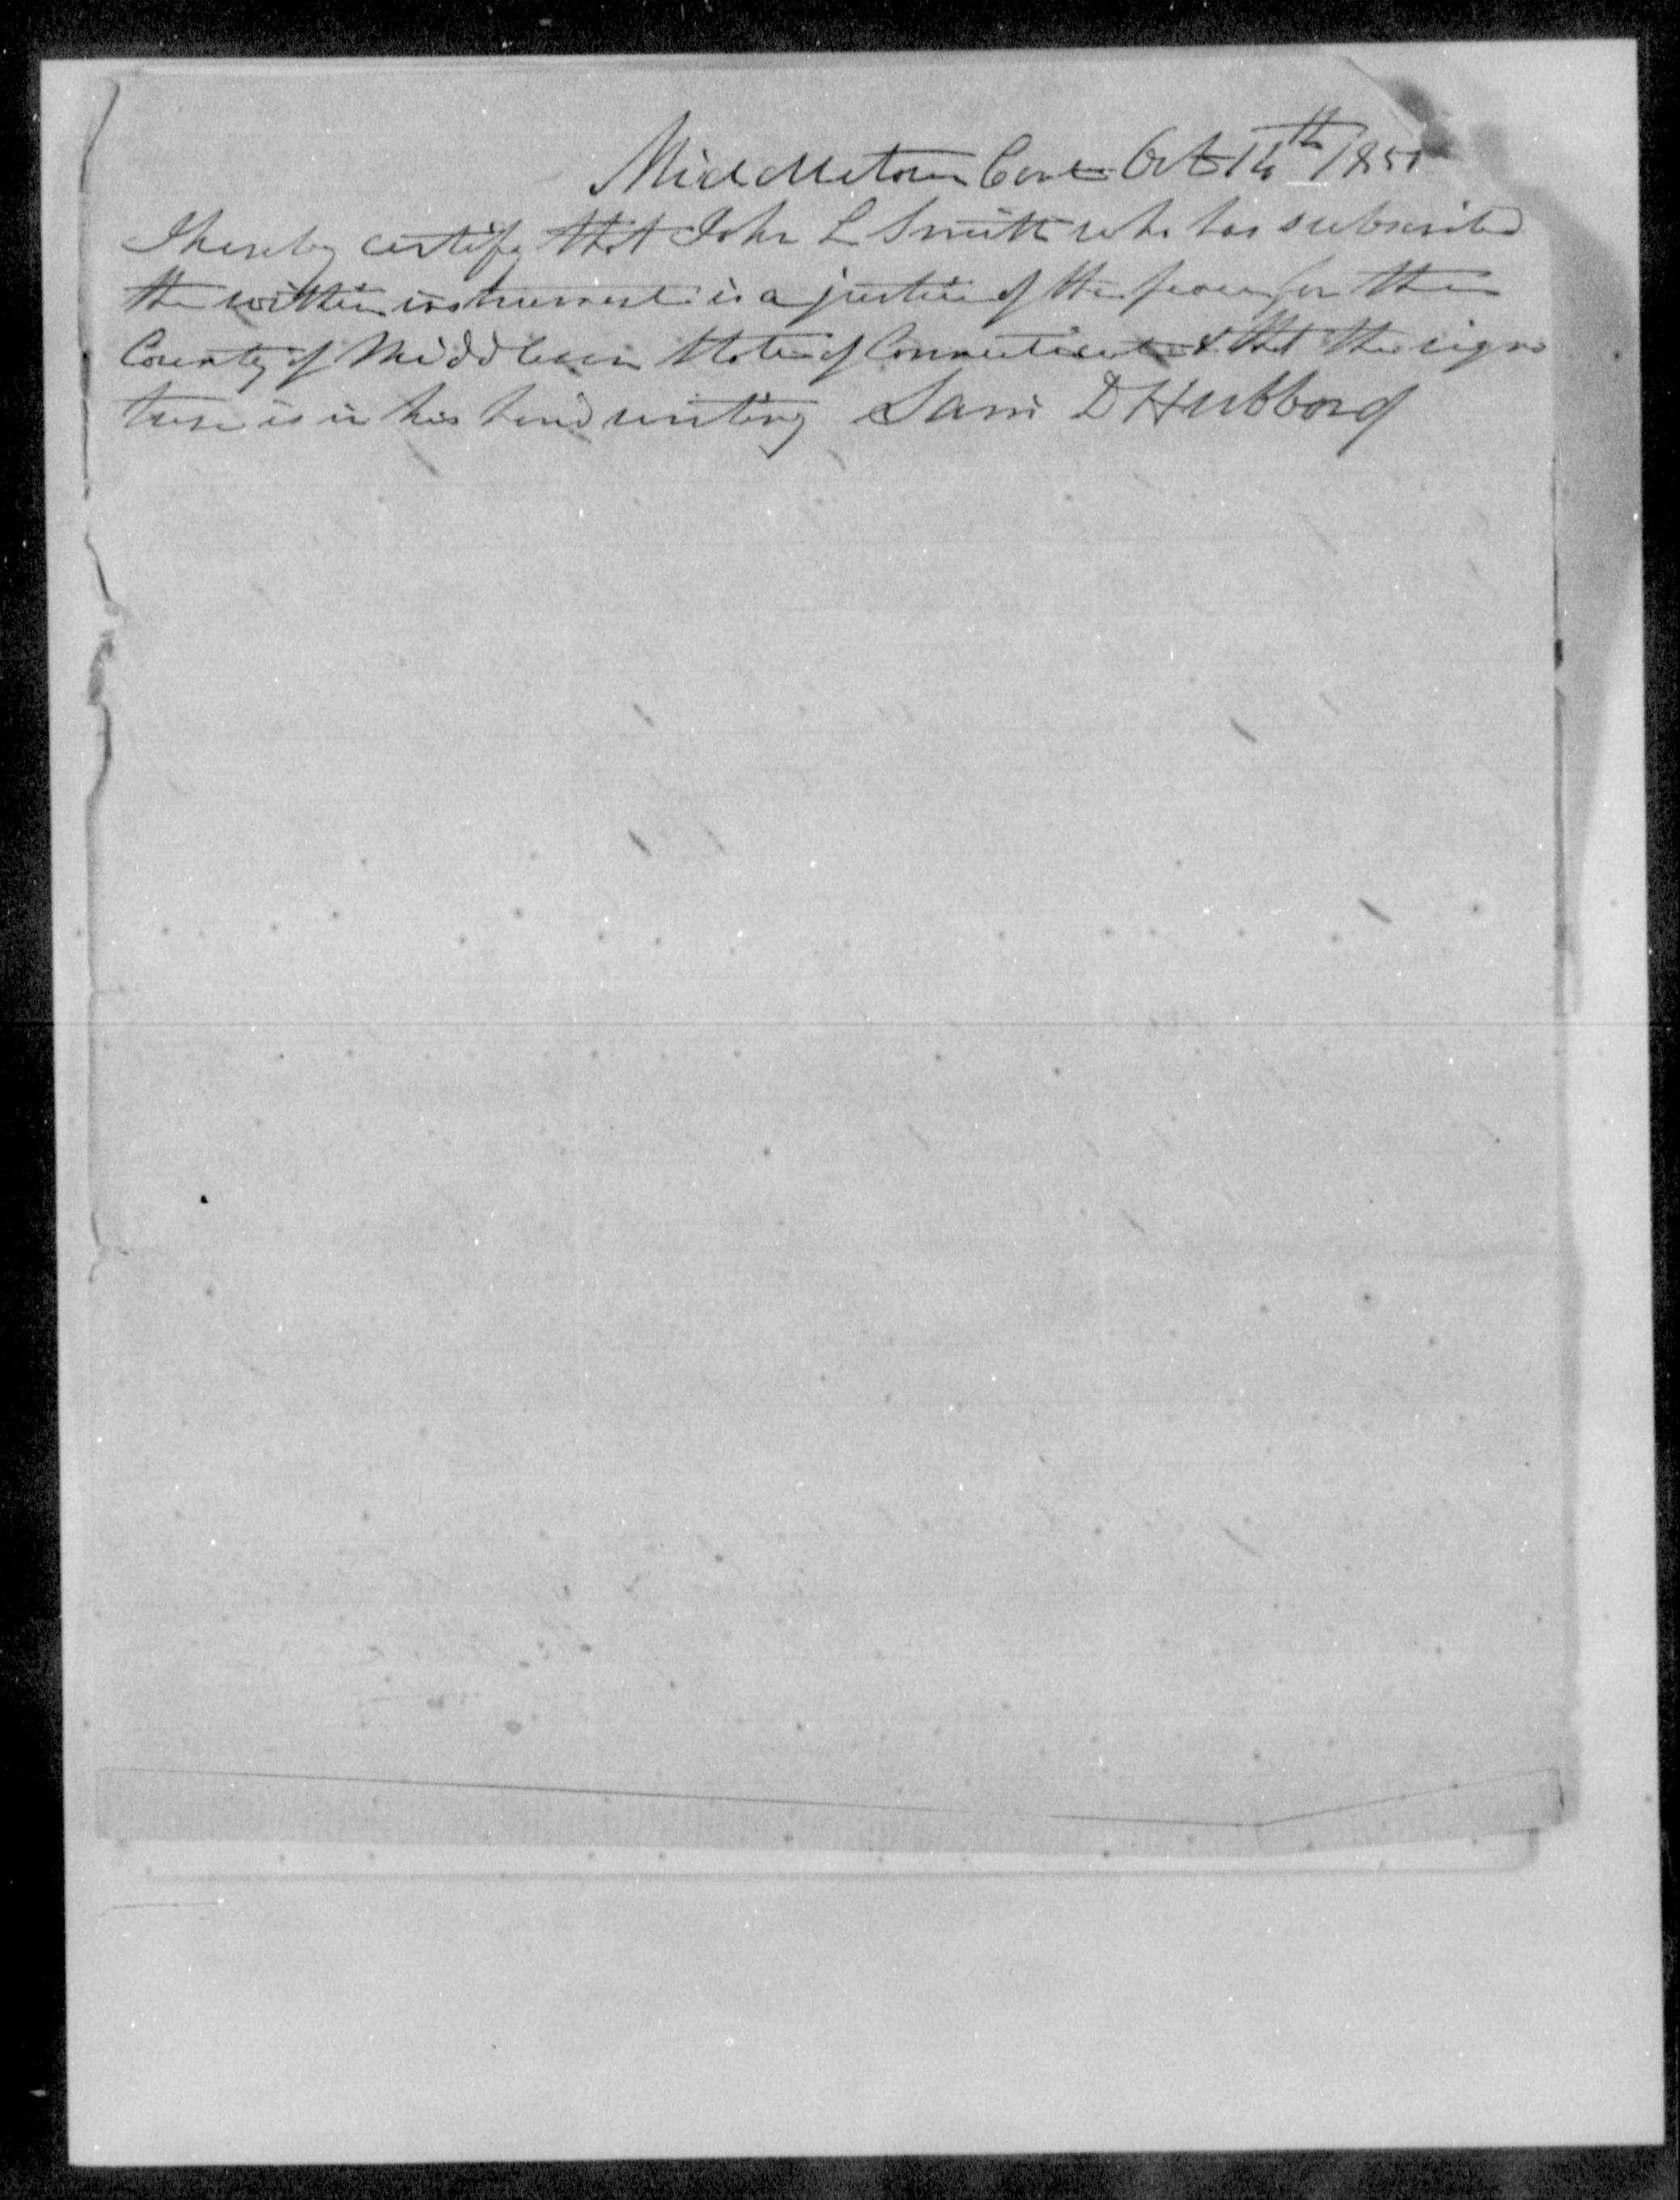Middleton Court Oct 14th 1851
I hereby certify that John L Smith who has subscribed the within instrument is a justice of the peace for the County of Middlesex in the State of Connecticut & that the signature is in his hand writing [sic] Sam [SAMUEL] D Hubbard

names: John L Smith; Saml D Hubbord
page: 78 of 109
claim: widow's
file: W. 5709, for Thomas Richards, New Hampshire